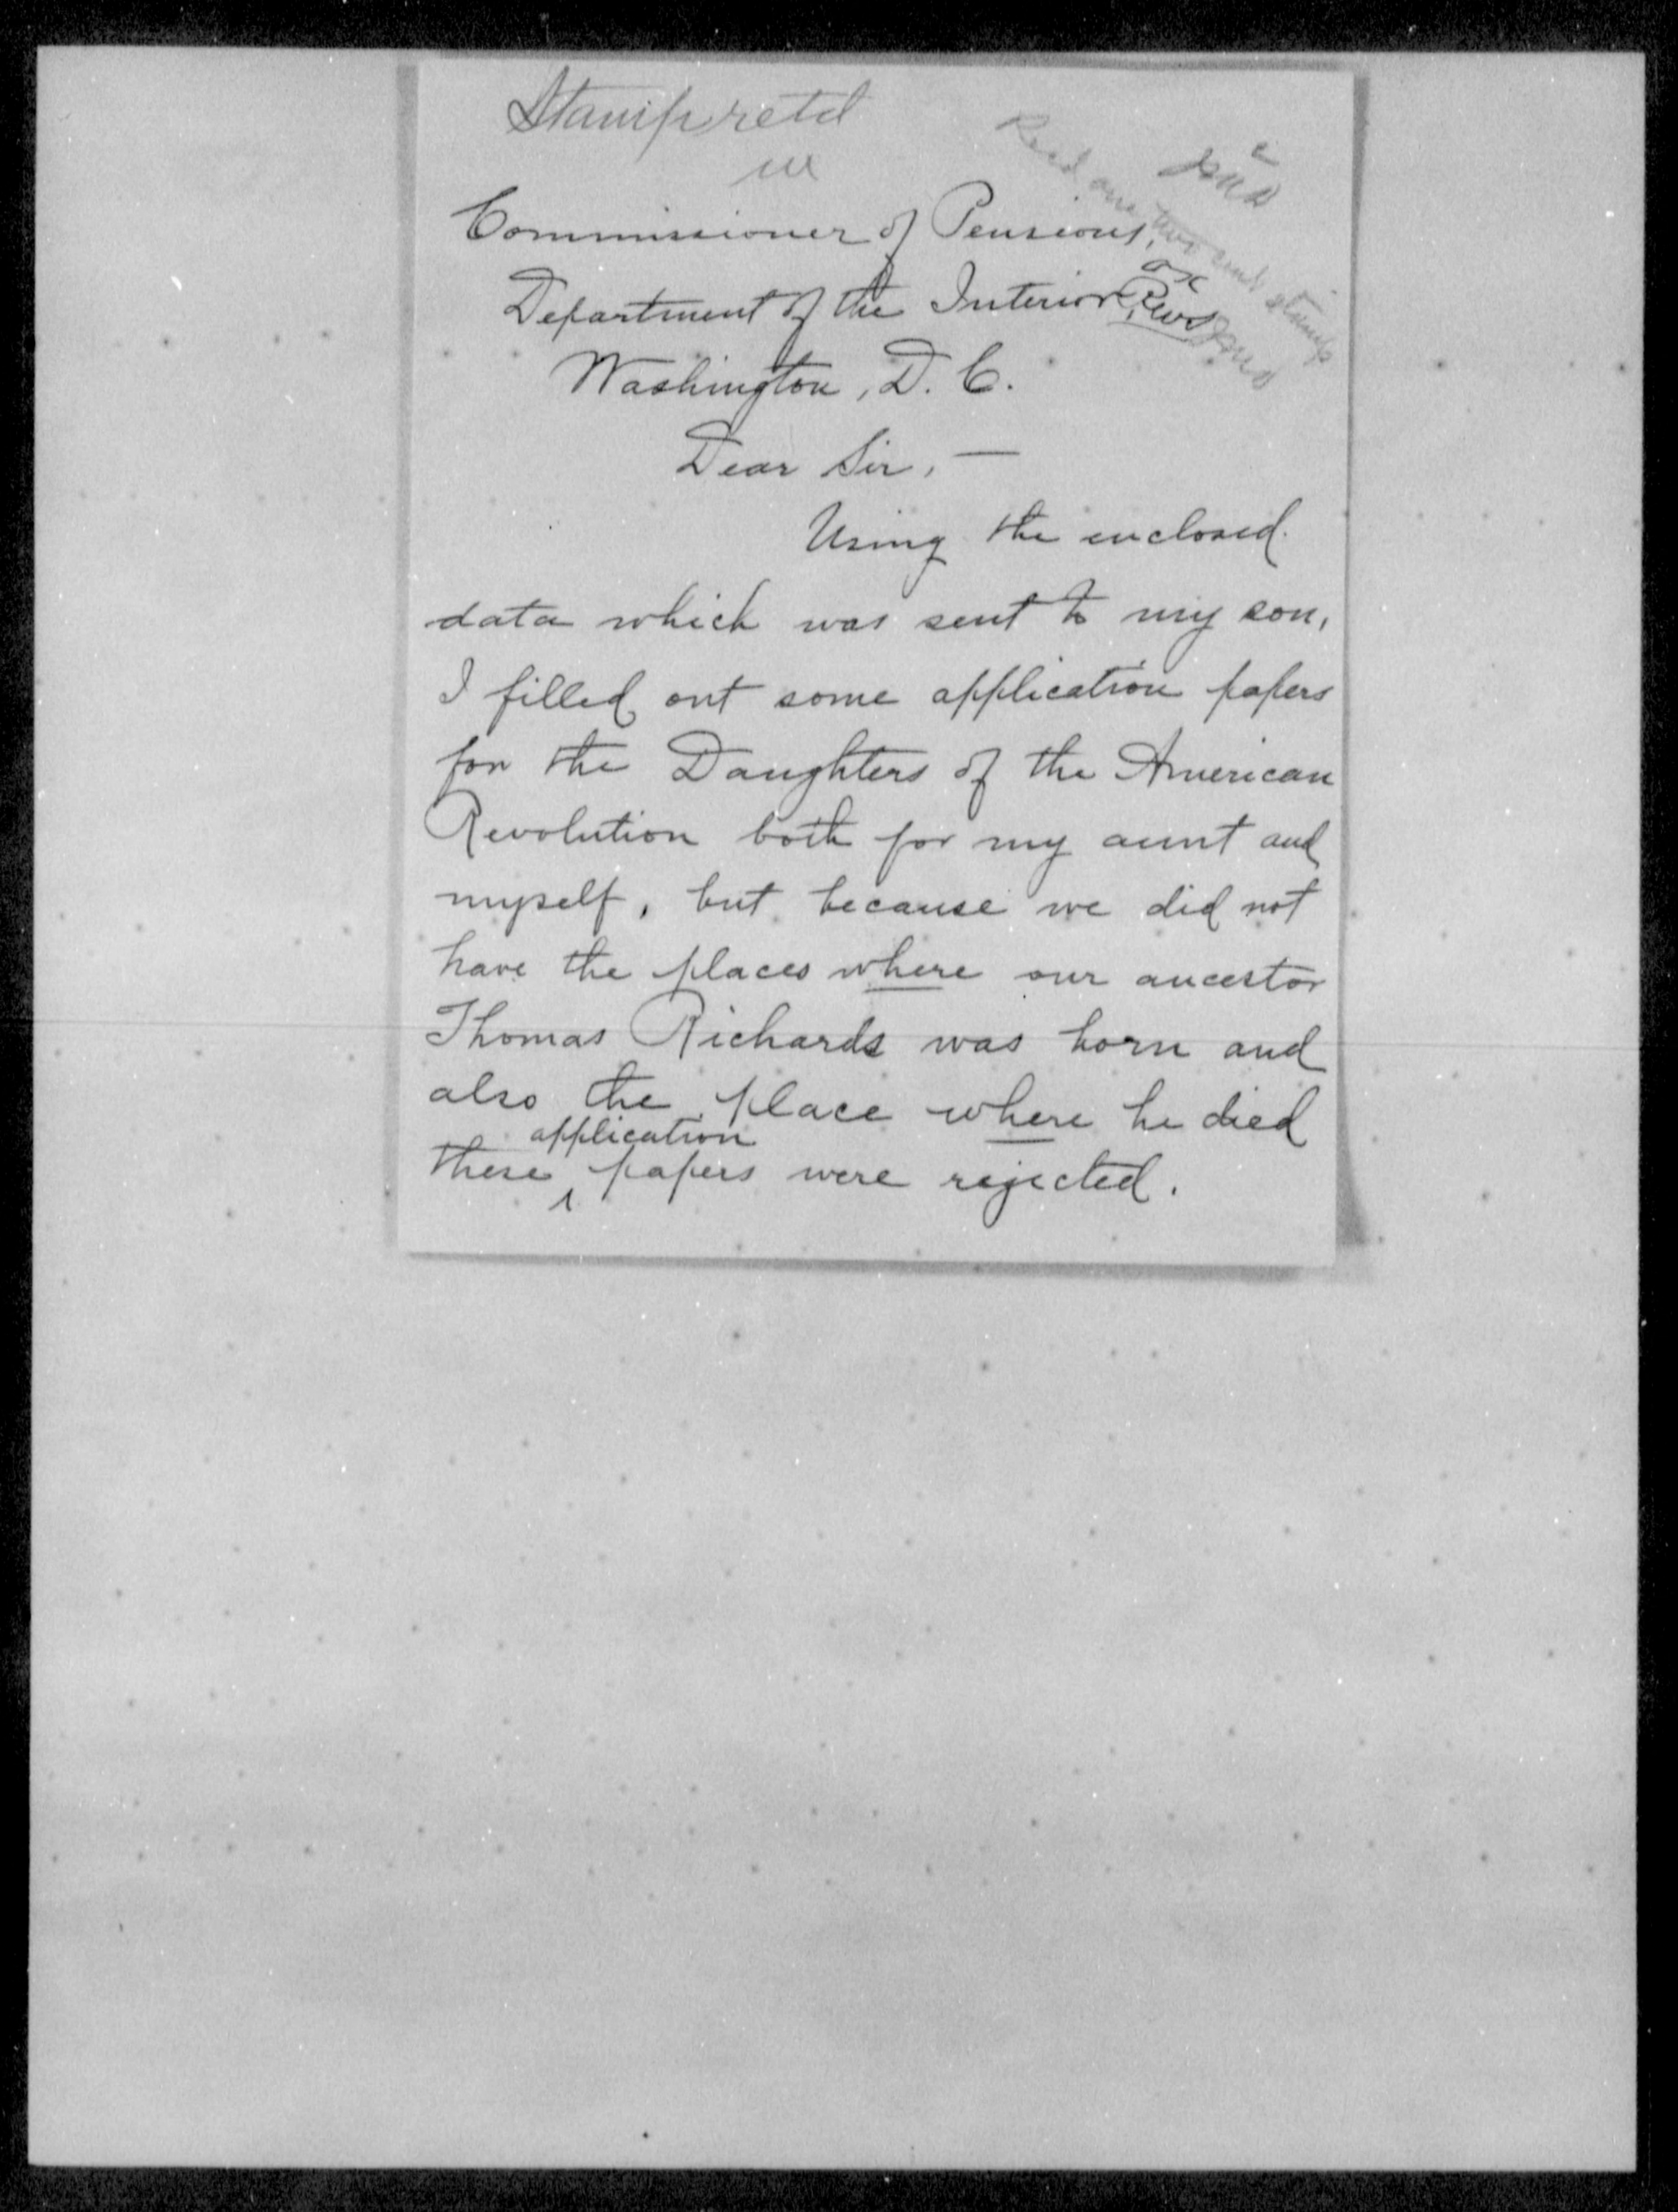Stamp retd [RETURNED] Recd [RECEIVED] one two cent stamp JMO
Commissioner of Pensions
Department of the Interior
Washington, D.C

Dear Sir,
Using the enclosed data which was sent to my son, I filled out some application papers for the Daughters of the American Revolution both for my aunt and myself, but because we did not
have the places [sic] where our ancestor Thomas Richards was born and also the place where he died there [THEIR] application papers were rejected.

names: Thomas Richards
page: 100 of 109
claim: widow's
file: W. 5709, for Thomas Richards, New Hampshire